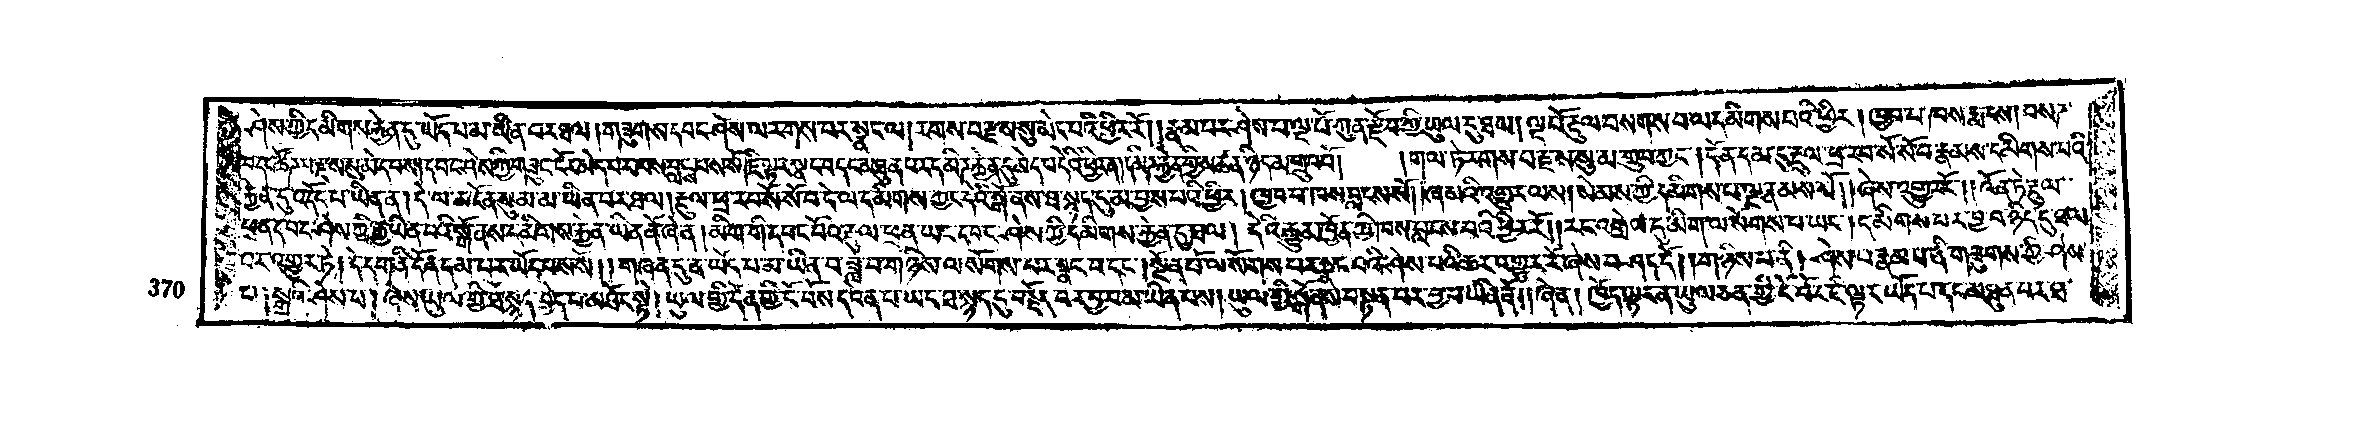ཤེས་ཀྱི་དམིགས་རྐྱེན་དུ་ཡོད་པ་མ་ཡིན་པར་ཐལ། གཟུགས་དབང་ཤེས་ལ་རགས་པར་སྣང་ལ། རགས་པ་རྫས་སུ་མེད་པའི་ཕྱིར་རོ། །རྣམ་པར་ཤེས་པ་ལྔ་པོ་ཀུན་རྫོབ་ཀྱི་ཡུལ་དུ་ཐལ། ལྔ་པོ་རྡུལ་བསགས་པ་ལ་དམིགས་པའི་ཕྱིར། ཁྱབ་པ་ཁས་བླངས། བསགས་
བ་དང་ཚོགས་པ་རྗེས་སུ་མེད་པས། དབང་ཤེས་ཀྱི་གཟུང་ངོར་མེད་པར་ཁས་བླངས་པས་སོ། །ཇི་ལྟར་སྣང་བ་དང་མཐུན་པར་དམིགས་རྐྱེན་དུ་བྱེད་པ་དེའི་ཕྱིར་ན། དམིགས་རྐྱེན་གྱིས་མཚན་ཉིད་མ་གྲུབ་པོ། །གལ་ཏེ་རགས་པ་རྗེས་སུ་མ་གྲུབ་ཀྱང་། དོན་དམ་དུ་རྡུལ་ཕྲ་རབ་སོ་སོ་བ་རྣམས་དམིགས་པའི་
རྐྱེན་དུ་འདོད་པ་ཡིན་ན། དེ་ལ་མངོན་སུམ་མ་ཡིན་པར་ཐལ། རྡུལ་ཕྲ་རབ་སོ་སོ་བ་དེ་ལ་དམིགས་ཀྱང་དེའི་སྒོ་ནས་ཐ་སྙད་དུ་མ་བྱས་པའི་ཕྱིར། ཁྱབ་པ་ཁས་བླངས་སོ། །ཞ་མའི་འགྱུར་ལས། སེམས་ཀྱི་དམིགས་པ་ལྔ་རྣམས་སོ། །ཞེས་འགྱུར་རོ། །འོན་ཏེ་རྡུལ་
ཕྲན་དབང་ཤེས་ཀྱི་རྒྱ་ཡིན་པའི་སྒོ་ནས་དམིགས་རྐྱེན་ཡིན་ནོ་ཞེ་ན། མིག་གི་དབང་པོའི་རྡུལ་ཕྲན་ཡང་དབང་ཤེས་ཀྱི་དམིགས་རྐྱེན་དུ་ཐལ། དེའི་རྒྱུ་ཁྱོན་ཀྱི་ཁས་བླངས་པའི་ཕྱིར་རོ། །རང་འགྲེལ་དུ་དམིགས་ལ་སོགས་པ་ཡང་། དམིགས་པར་བྱ་བ་ཉིད་དུ་ཐལ་
བར་འགྱུར་ཏེ། དེ་དག་ནི་དོན་དམ་པར་ཡོད་པས་སོ། །གཞན་དུ་མ་ཡོད་པ་མ་ཡིན་པ་ཟླ་བ་གཉིས་ལ་སོགས་པར་སྣང་བ་དང་། སྔོན་པོ་ལ་སོགས་བར་སྣང་བའི་ཤེས་པའི་ཆར་འགྱུར་རོ་ཞེས་བཤད་དོ། །གཉིས་པ་ནི། ཤེས་པ་རྣམ་པ་ནི་གཟུགས་ཀྱི་ཤེས་
པ། སྒྲའི་ཤེས་པ། ཞེས་ཡུལ་གྱི་ཐ་སྙད་བྱེད་པ་མཐོང་སྟེ། ཡུལ་གྱི་དོན་གྱི་ངོ་བོས་དབོན་པ་ཡང་ཐ་སྙད་དུ་བརྗོད་པར་བྱ་བ་མ་ཡིན་པས། ཡུལ་གྱི་སྒོ་ནས་བསྟན་པར་བྱ་བ་ཡིན་ནོ། །ཞེ་ན། ཁྱོད་ལྟར་ན་ཡུལ་ཅན་གྱི་ངོ་བོར་ཇི་ལྟར་ཡོད་པ་དང་མཐུན་པར་ཐ་